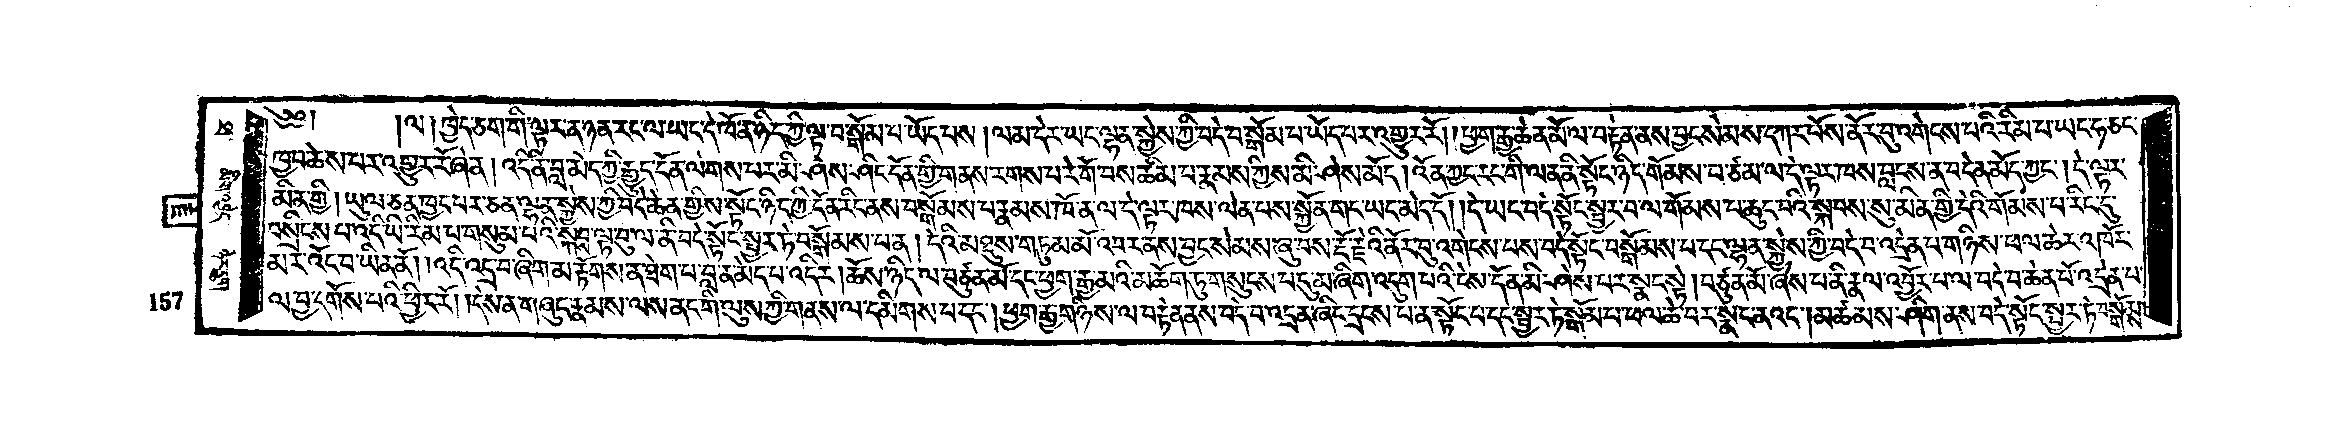༄༅། །ལ། ཁྱེད་ཅག་གི་ལྟར་ན་ཉན་རང་ལ་ཡང་དེ་ཁོ་ན་ཉིད་ཀྱི་ལྟ་བ་སྒོམ་པ་ཡོད་པས། ལམ་དེར་ཡང་ལྷན་སྐྱེས་ཀྱི་བདེ་བ་སྒོམ་པ་ཡོད་པར་འགྱུར་རོ། །ཕྱག་རྒྱ་ཆེན་མོ་ལ་བརྟེན་ནས་བྱང་སེམས་དཀར་པོས་ནོར་བུ་འགེངས་པའི་རིམ་པ་ཡང་ཧ་ཅང་
ཁྱབ་ཆེས་པར་འགྱུར་རོ་ཞེ་ན། འདི་ནི་བླ་མེད་ཀྱི་རྒྱུད་དོན་ལེགས་པར་མི་ཤེས་ཤིང་དོན་གྱི་གནས་རགས་པ་རེ་གོ་བས་ཚིམ་པ་རྣམས་ཀྱིས་མི་ཤེས་མོད། འོན་ཀྱང་རང་གི་ལན་ནི་སྟོང་ཉིད་གོམས་པ་ཙམ་ལ་དེ་ལྟར་ཁས་བླངས་ན་བདེན་མོད་ཀྱང་། དེ་ལྟར་
མིན་གྱི། ཡུལ་ཅན་ཁྱད་པར་ཅན་ལྷན་སྐྱེས་ཀྱི་བདེ་ཆེན་གྱིས་སྟོང་ཉིད་ཀྱི་དོན་རིང་ནས་བསྒོམས་པ་རྣམས་ཁོ་ན་ལ་དེ་ལྟར་ཁས་ལེན་པས་སྐྱོན་གང་ཡང་མེད་དོ། །དེ་ཡང་བདེ་སྟོང་སྦྱར་བ་ལ་གོམས་པ་ཆུང་བའི་སྐབས་སུ་མིན་གྱི་དེའི་གོམས་པ་རིང་དུ་
བསྲིངས་པ་འདི་ཡི་རིམ་པ་གསུམ་པའི་སྐབས་ལྟ་བུ་ལ་ནི་བདེ་སྟོང་སྦྱར་ཏེ་བསྒོམས་པ་ན། དེའི་མཐུས་གཏུམ་མོ་འབར་ནས་བྱང་སེམས་ཞུ་བས་རྡོ་རྗེའི་ནོར་བུ་འགེངས་པས་བདེ་སྟོང་བསྒོམས་པ་དང་ལྷན་སྐྱེས་ཀྱི་བདེ་བ་འདྲེན་པ་གཉིས་ཕལ་ཆེར་འཁོར་
མར་འོང་བ་ཡིན་ནོ། །འདི་འདྲ་བ་ཞིག་མ་རྟོགས་ན་ཐེག་པ་བླ་ན་མེད་པ་འདིར། ཆོས་ཉིད་ལ་བཙུན་མོ་དང་ཕྱག་རྒྱ་མའི་མཆོག་ཏུ་གསུངས་པ་དུ་མ་ཞིག་འདུག་པའི་ངེས་དོན་མི་ཤེས་པར་སྣང་སྟེ། བཙུན་མོ་ཞེས་པ་ནི་རྣལ་འབྱོར་པ་ལ་བདེ་བ་ཆེན་པོ་འདྲེན་པ་
ལ་བྱ་དགོས་པའི་ཕྱིར་རོ། །དེས་ན་གཞུང་རྣམས་ལས་ནང་གི་ལུས་ཀྱི་གནས་ལ་དམིགས་པ་དང་། ཕྱག་རྒྱ་གཉིས་ལ་བརྟེན་ནས་བདེ་བ་འདྲན་ཞིང་དྲངས་པ་ན་སྟོང་པ་དང་སྦྱར་ཏེ་སྒོམ་པ་ཕལ་ཆེ་བར་སྣང་ནའང་། མཚམས་ཤིག་ནས་བདེ་སྟོང་སྦྱར་ཏེ་བསྒོམས་